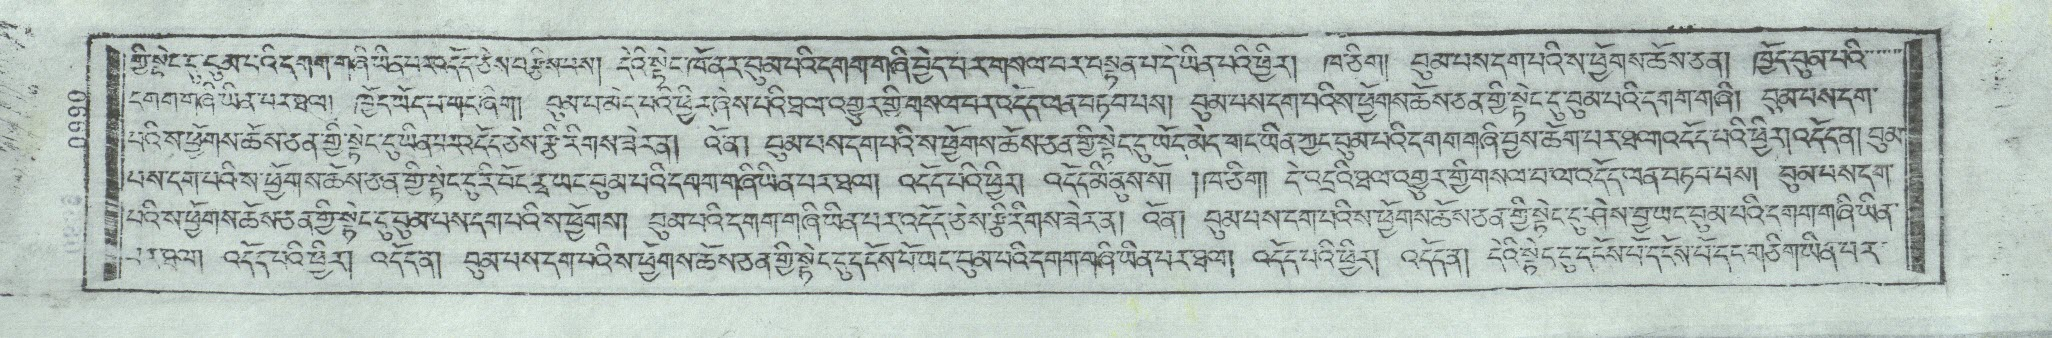གྱི་སྟེང་དུ་དུམ་པའི་དགག་གཞི་ཡིན་པར་འདོད་ཅེས་བརྩིས་པས། དེའི་སྟེང་ཁོ་ནར་བུམ་པའི་དགག་གཞི་བྱེད་པར་གསལ་བར་བསྟན་པ་དེ་ཡིན་པའི་ཕྱིར། ཁ་ཅིག། བུམ་པས་དག་པའི་ས་ཕྱོགས་ཆོས་ཅན། ཁྱོད་བུམ་པའི་
དགག་གཞི་ཡིན་པར་ཐལ། ཁྱོད་ཡོད་པ་གང་ཞིག། བུམ་པ་མེད་པའི་ཕྱིར་ཞེས་པའི་ཐལ་འགྱུར་གྱི་གསལ་བར་འདོད་ལན་བཏབ་པས། བུམ་པས་དག་པའི་ས་ཕྱོགས་ཆོས་ཅན་གྱི་སྟེང་དུ་བུམ་པའི་དགག་གཞི། བུམ་པས་དག་
པའི་ས་ཕྱོགས་ཆོས་ཅན་གྱི་སྟེང་དུ་ཡིན་པར་འདོད་ཅེས་རྩི་རིགས་ཟེར་ན། འོ་ན། བུམ་པས་དག་པའི་ས་ཕྱོགས་ཆོས་ཅན་གྱི་སྟེང་དུ་ཡོད་མེད་གང་ཡིན་ཀྱང་བུམ་པའི་དགག་གཞི་བྱས་ཆོག་པར་ཐལ། འདོད་པའི་ཕྱིར། འདོད་ན། བུམ་
པས་དག་པའི་ས་ཕྱོགས་ཆོས་ཅན་གྱི་སྟེང་དུ་རི་བོང་རྭ་ཡང་བུམ་པའི་དགག་གཞི་ཡིན་པར་ཐལ། འདོད་པའི་ཕྱིར། འདོད་མི་ནུས་སོ། །ཁ་ཅིག། དེ་འདྲའི་ཐལ་འགྱུར་གྱི་གསལ་བ་ལ་འདོད་ལན་བཏབ་པས། བུམ་པས་དག་
པའི་ས་ཕྱོགས་ཆོས་ཅན་གྱི་སྟེང་དུ་བུམ་པས་དག་པའི་ས་ཕྱོགས། བུམ་པའི་དགག་གཞི་ཡིན་པར་འདོད་ཅེས་རྩི་རིགས་ཟེར་ན། འོ་ན། བུམ་པས་དག་པའི་ས་ཕྱོགས་ཆོས་ཅན་གྱི་སྟེང་དུ་ཤེས་བྱ་ཡང་བུམ་པའི་དགག་གཞི་ཡིན་
པར་ཐལ། འདོད་པའི་ཕྱིར། འདོད་ན། བུམ་པས་དག་པའི་ས་ཕྱོགས་ཆོས་ཅན་གྱི་སྟེང་དུ་དངོས་པོ་ཡང་བུམ་པའི་དགག་གཞི་ཡིན་པར་ཐལ། འདོད་པའི་ཕྱིར། འདོད་ན། དེའི་སྟེང་དུ་དངོས་པོ་དངོས་པོ་དང་གཅིག་ཡིན་པར་